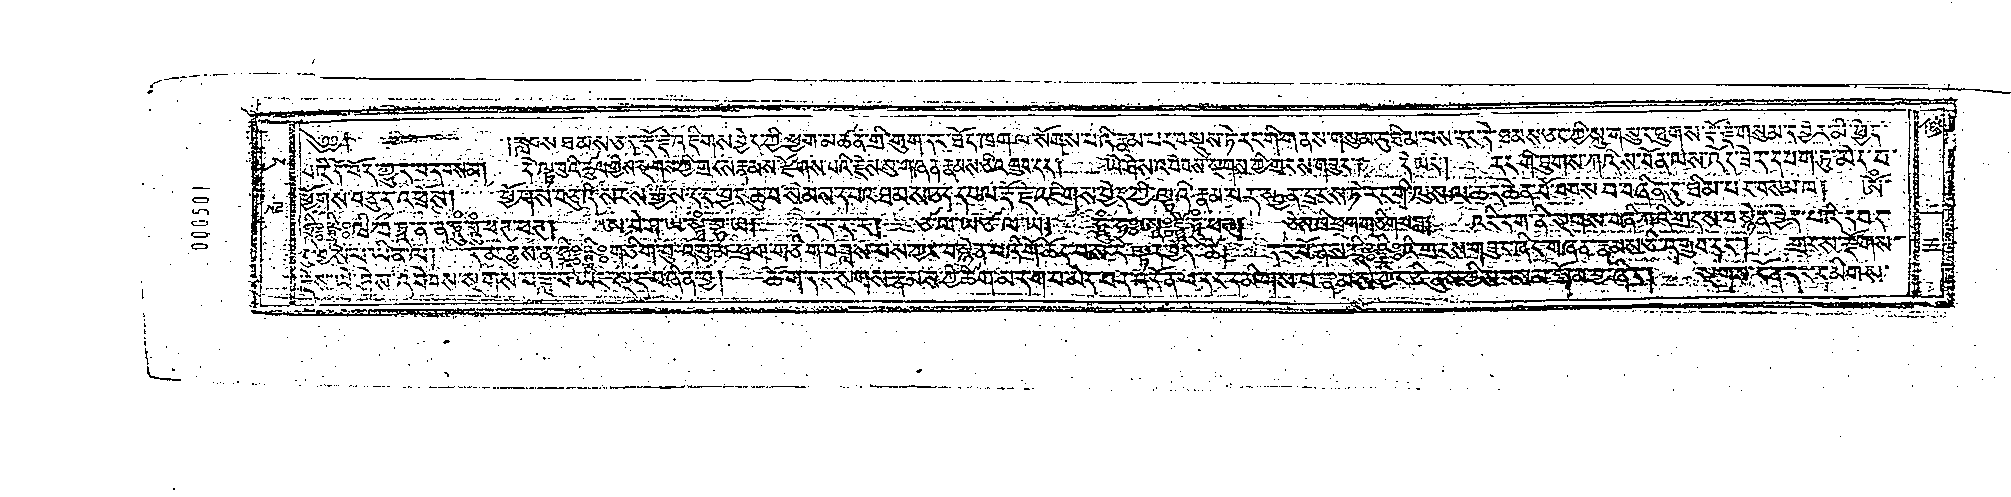༄༅། །རླབས་ཐམས་ཅད་རྡོ་རྗེ་འཇིགས་བྱེད་ཀྱི་ཕྱག་མཚན་གྲི་གུག་དང་ཐོང་ཁྲག་ལ་སོགས་པའི་རྣམ་པར་བསྡུས་ཏེ་རང་གི་གནས་གསུམ་དུ་ཐིམ་པས་རང་དེ་ཐམས་ཅད་ཀྱི་སྐུ་གསུང་ཐུགས་རྡོ་རྗེ་གསུམ་དབྱེར་མི་ཕྱེད་
བའི་ངོ་བོར་གྱུར་པར་བསམ། དེ་ལྟ་བུའི་ཚུལ་གྱིས་སྔགས་ཀྱི་གྲངས་རྣམས་རྫོགས་པའི་རྗེས་སུ་གཞན་རྣམས་ཅི་འགྲུབ་དང་། ཡེ་ཤེས་འབེབས་སྔགས་ཀྱི་གྲངས་གཟུང་། དེ་ཡང་། རང་གི་ཐུགས་ཀའི་ས་བོན་ལས་འོད་ཟེར་དཔག་ཏུ་མེད་པ་
ཕྱོགས་བཅུར་འཕྲོས། ཕྱོགས་བཅུའི་སངས་རྒྱས་དང་བྱང་ཆུབ་སེམས་དཔའ་ཐམས་ཅད་དཔལ་རྡོ་རྗེ་འཇིགས་བྱེད་ཀྱི་ལྷའི་རྣམ་པར་སྤྱན་དྲངས་ཏེ་རང་གི་ལུས་ལ་ཆར་ཆེན་པོ་བབས་བ་བཞིན་དུ་ཐིམ་པར་བསམ་ལ། ཨོཾ་
ཧྲཱིཿ་ཥྚྲཱིཿ ཝི་ཀྲྀ་ཏཱ་ན་ན་ཧཱུཾ་ཧཱུཾ་ཕཊ་ཕཊ། ཨ་བེ་ཤ་ཡ་སྟྭཾ་བྷ་ཡ། ར་ར་ར་ར། ཙ་ལ་ཡ་ཙ་ལ་ཡ། ཧཱུཾ་ཧཿ་ཨཱཿ་ཛྙEཨེ་ཧཱུཾ་ཕཊ། ཅེས་ཁྲི་ཕྲག་གཅིག་བཟླ། འདི་དག་ནི་སྔགས་བཞི་ཀའི་གྲངས་བསྙེན་བྱེད་པའི་དབང་
དུ་བྱས་པ་ཡིན་ལ། དེ་མ་ནུས་ན་ཧྲཱིཿ་ཥྚྲཱིཿ གཅིག་པུ་འབུམ་ཕྲག་གཅིག་བཟླས་པས་ཀྱང་བསྙེན་པའི་གོ་ཆོད་པས་དེ་ལྟར་བྱེད་ཚེ། དང་བོ་ནས་ཧྲཱིཿ་ཥྚྲཱིཿ་འི་གྲངས་གཟུང་ཞིང་གཞན་རྣམས་ཅི་འགྲུབ་དང་། གྲངས་རྫོགས་
རྗེས་ཡེ་ཤེས་འབེབས་སྔགས་བཟླ་བ་ཡང་སྔར་བཞིན་བྱ། ཆོ་ག་དང་སྔགས་རྣམས་ཀྱི་ཚིག་མ་དག་བ་མེད་བར་འདོན་པ་དང་དམིགས་པ་རྣམས་ཀྱང་ཅི་ནུས་ཀྱིས་བསམ་སྒོམ་བྱ་ཞིང་། སྔགས་དོན་དང་དམིགས་